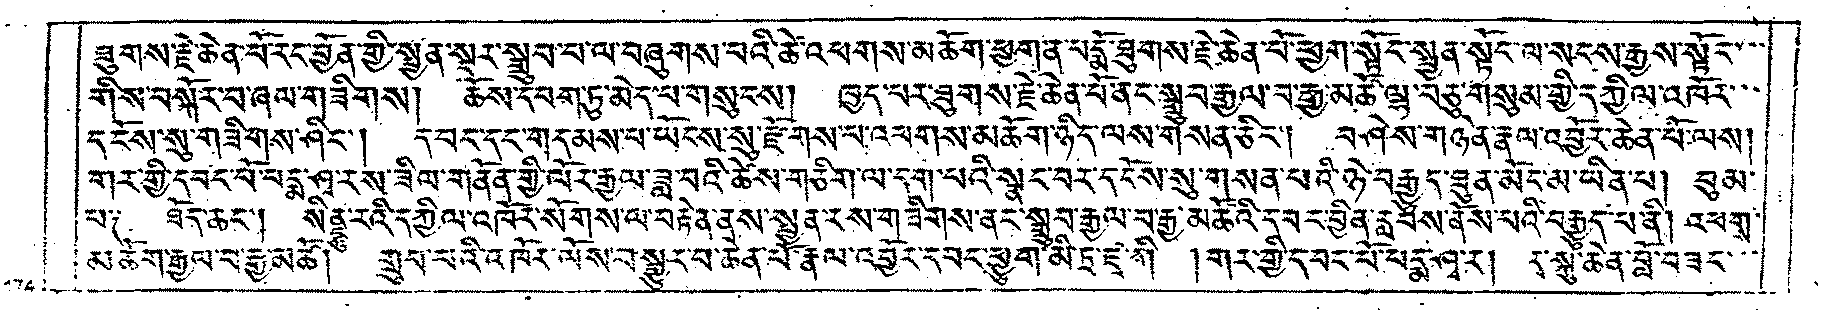ཐུགས་རྗེ་ཆེན་པོ་རང་བྱོན་གྱི་སྤྱན་སྔར་སྒྲུབ་པ་ལ་བཞུགས་པའི་ཚེ་འཕགས་མཆོག་ཕྱག་ན་པདམོ་ཐུགས་རྗེ་ཆེན་པོ་ཕྱག་སྟོང་སྤྱན་སྟོང་ལ་སངས་རྒྱས་སྟོང་
གིས་བསྐོར་བ་ཞལ་གཟིགས། ཆོས་དཔག་ཏུ་མེད་པ་གསུངས། ཁྱད་པར་ཐུགས་རྗེ་ཆེན་པོ་ནང་སྒྲུབ་རྒྱལ་བ་རྒྱ་མཚོ་ལྷ་བཅུ་གསུམ་གྱི་དཀྱིལ་འཁོར་
དངོས་སུ་གཟིགས་ཤིང་། དབང་དང་གདམས་པ་ཡོངས་སུ་རྫོགས་པ་འཕགས་མཆོག་ཉིད་ལས་གསན་ཅིང་། བཤེས་གཉེན་རྣལ་འབྱོར་ཆེན་པོ་ལས།
གར་གྱི་དབང་པོ་པདམ་ཤྭ་རས་ཟིལ་གནོན་གྱི་ལོར་རྒྱལ་ཟླ་བའི་ཚེས་གཅིག་ལ་དག་པའི་སྣང་བར་དངོས་སུ་གསན་པའི་ཉེ་བརྒྱུད་ཐུན་མོང་མ་ཡིན་པ། བུམ་
པ༑ ཐོད་ཆང་། སིནྡྷུ་རའི་དཀྱིལ་འཁོར་སོགས་ལ་བརྟེན་ནས་སྤྱན་རས་གཟིགས་ནང་སྒྲུབ་རྒྱལ་བ་རྒྱ་མཚོའི་དབང་བྱིན་རླབས་ནོས་པའི་བརྒྱུད་པ་ནི། འཕགས་
མཆོག་རྒྱལ་བ་རྒྱ་མཚོ། གྲུབ་པའི་འཁོར་ལོས་བསྒྱུར་བ་ཆེན་པོ་རྣལ་འབྱོར་དབང་ཕྱུག་མི་ཏྲ་ཛྭ་ཀི །གར་གྱི་དབང་པོ་པདམ་ཤྭ་ར། རྭ་སྐུ་ཆེན་བློ་བཟང་